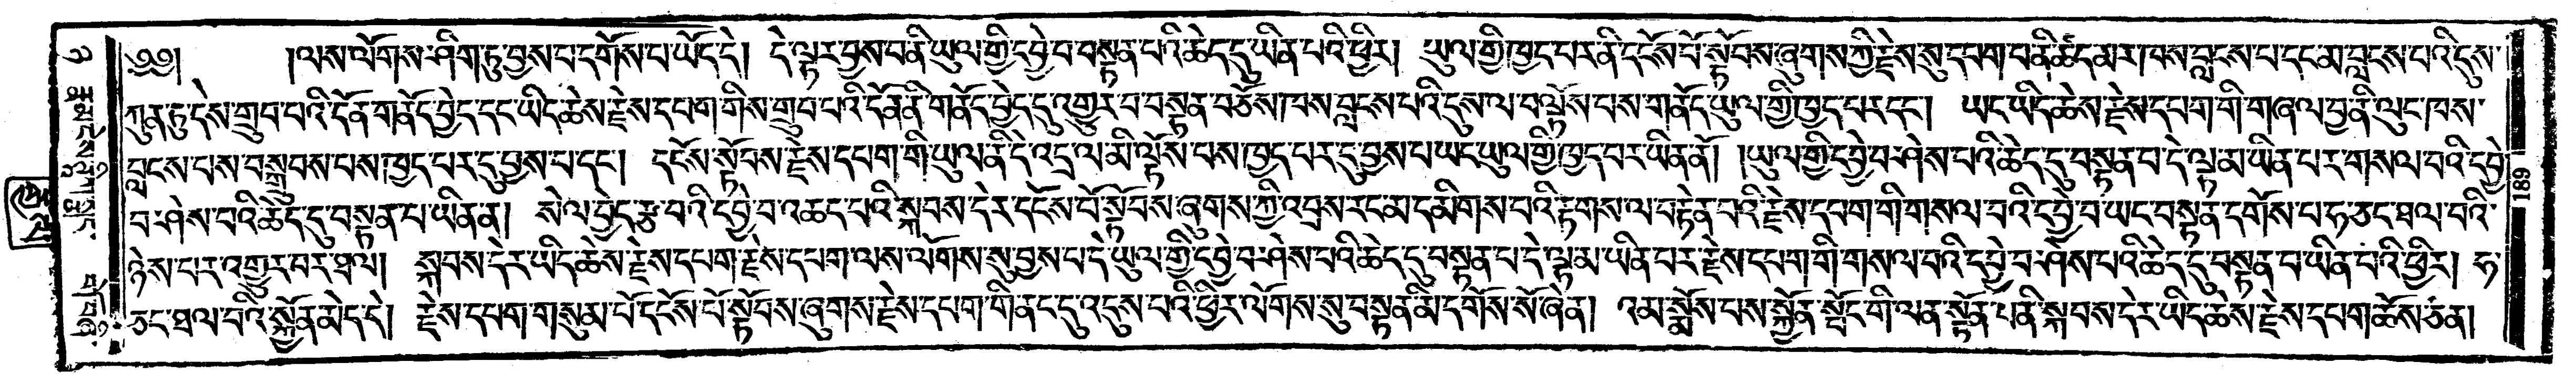༄༅། །ལས་ལོགས་ཤིག་ཏུ་བྱས་པ་དགོས་པ་ཡོད་དེ། དེ་ལྟར་བྱས་པ་ནི་ཡུལ་གྱི་དབྱེ་བ་བསྟན་པའི་ཆེད་དུ་ཡིན་པའི་ཕྱིར། ཡུལ་གྱི་ཁྱད་པར་ནི་དངོས་པོ་སྟོབས་ཞུགས་ཀྱི་རྗེས་སུ་དཔག་པ་ནི་ཚད་མར་ཁས་བླངས་པ་དང་མ་བླངས་པའི་དུས་
ཀུན་ཏུ་དེས་གྲུབ་པའི་དོན་གནོད་བྱེད་དང་ཡིད་ཆེས་རྗེས་དཔག་གིས་གྲུབ་པའི་དོན་ནི་གནོད་བྱེད་དུ་འགྱུར་བ་བསྟན་བཅོས་ཁས་བླངས་པའི་དུས་ལ་བལྟོས་པས་གནོད་ཡུལ་གྱི་ཁྱད་པར་དང་། ཡང་ཡིད་ཆེས་རྗེས་དཔག་གི་གཞལ་བྱ་ནི་ལུང་ཁས་
བླངས་པས་བསྒྲུབས་པས་ཁྱད་པར་དུ་བྱས་པ་དང་། དངོས་སྟོབས་རྗེས་དཔག་གི་ཡུལ་ནི་དེ་འདྲ་ལ་མི་ལྟོས་པས་ཁྱད་པར་དུ་བྱས་པ་ཡང་ཡུལ་གྱི་ཁྱད་པར་ཡིན་ནོ། །ཡུལ་གྱི་དབྱེ་བ་ཤེས་པའི་ཆེད་དུ་བསྟན་པ་དེ་ལྟ་མ་ཡིན་པར་གསལ་བའི་དབྱེ་
བ་ཤེས་པའི་ཆེད་དུ་བསྟན་པ་ཡིན་ན། སེལ་བྱེད་རྩ་བའི་དབྱེ་བ་འཆད་པའི་སྐབས་དེར་དངོས་པོ་སྟོབས་ཞུགས་ཀྱི་འབྲས་རང་མ་དམིགས་པའི་རྟགས་ལ་བརྟེན་པའི་རྗེས་དཔག་གི་གསལ་བའི་དབྱེ་བ་ཡང་བསྟན་དགོས་པ་ཧ་ཅང་ཐལ་བའི་
ཉེས་པར་འགྱུར་བར་ཐལ། སྐབས་དེར་ཡིད་ཆེས་རྗེས་དཔག་རྗེས་དཔག་ལས་ལོགས་སུ་བྱས་པ་དེ་ཡུལ་གྱི་དབྱེ་བ་ཤེས་པའི་ཆེད་དུ་བསྟན་པ་དེ་ལྟ་མ་ཡིན་པར་རྗེས་དཔག་གི་གསལ་བའི་དབྱེ་བ་ཤེས་པའི་ཆེད་དུ་བསྟན་པ་ཡིན་པའི་ཕྱིར། ཧ་
ཅང་ཐལ་བའི་སྐྱོན་མེད་དེ། རྗེས་དཔག་གསུམ་པོ་དངོས་པོ་སྟོབས་ཞུགས་རྗེས་དཔག་གི་ནང་དུ་འདུས་པའི་ཕྱིར་ལོགས་སུ་བསྟན་མི་དགོས་སོ་ཞེ་ན། འམ་སྨོས་པས་སྐྱོན་སྤོང་གི་ལན་སྟོན་པ་ནི་སྐབས་དེར་ཡིད་ཆེས་རྗེས་དཔག་ཆོས་ཅན།